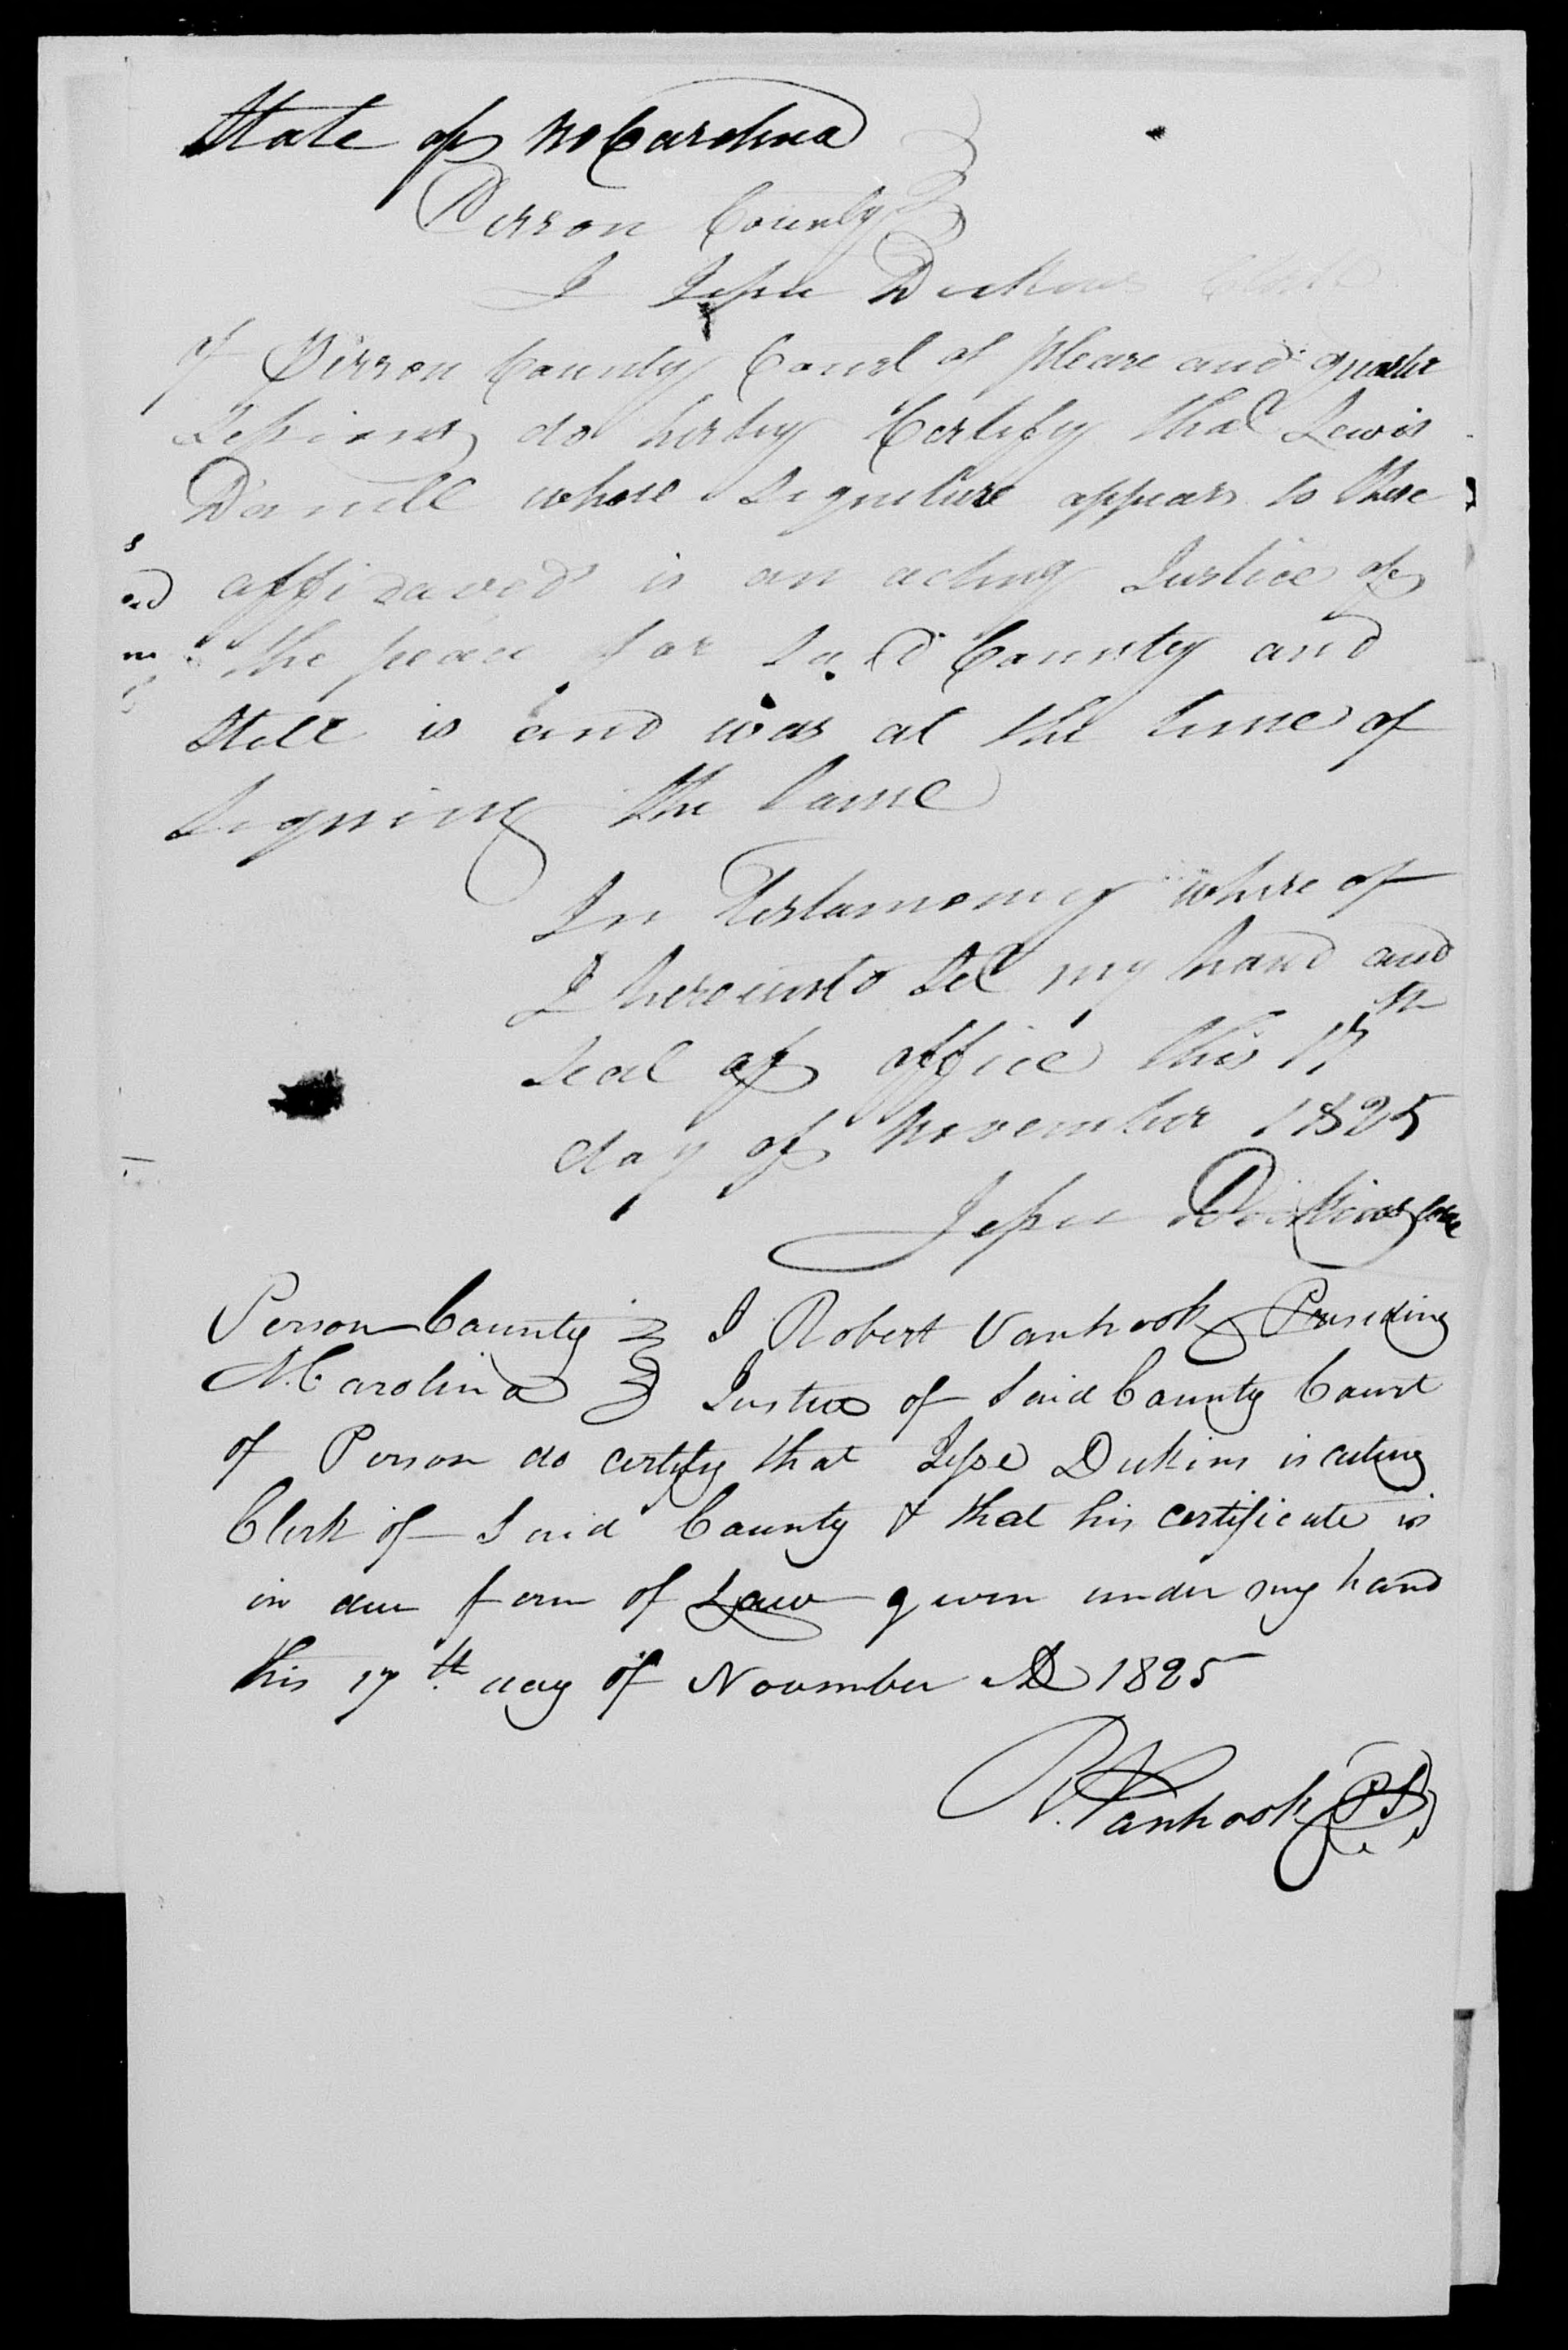State of No Carolina }
Person County          }

I Jesse Dickins Clerk of Person County Court of Pleas and Quarter Sessions, do hereby Certify that Lewis Darrell whose signature appears to said affidavit is on acting Justice of the Peace for said County and State is and was at the time of signing the same.

In testimony whereof I hereunto set my hand and seal of office this 17th day of November 1825
Jesse Dickins

Person County }
North Carolina     }  I Robert Vanhook Presiding Justice of said County Court of Person do certify that Jesse Dickins is acting Clerk of said County and that his certificate is in due form of Law given under my hand this 17th day of November AD 1825

R Vanhook  justice of the peace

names: Jesse Dickins, R Vanhook, Jessee Dickins, Lewis Darrell, Robert Vanhook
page: 22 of 49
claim: survivor's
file: S. 41513, George Duncan, N.C.